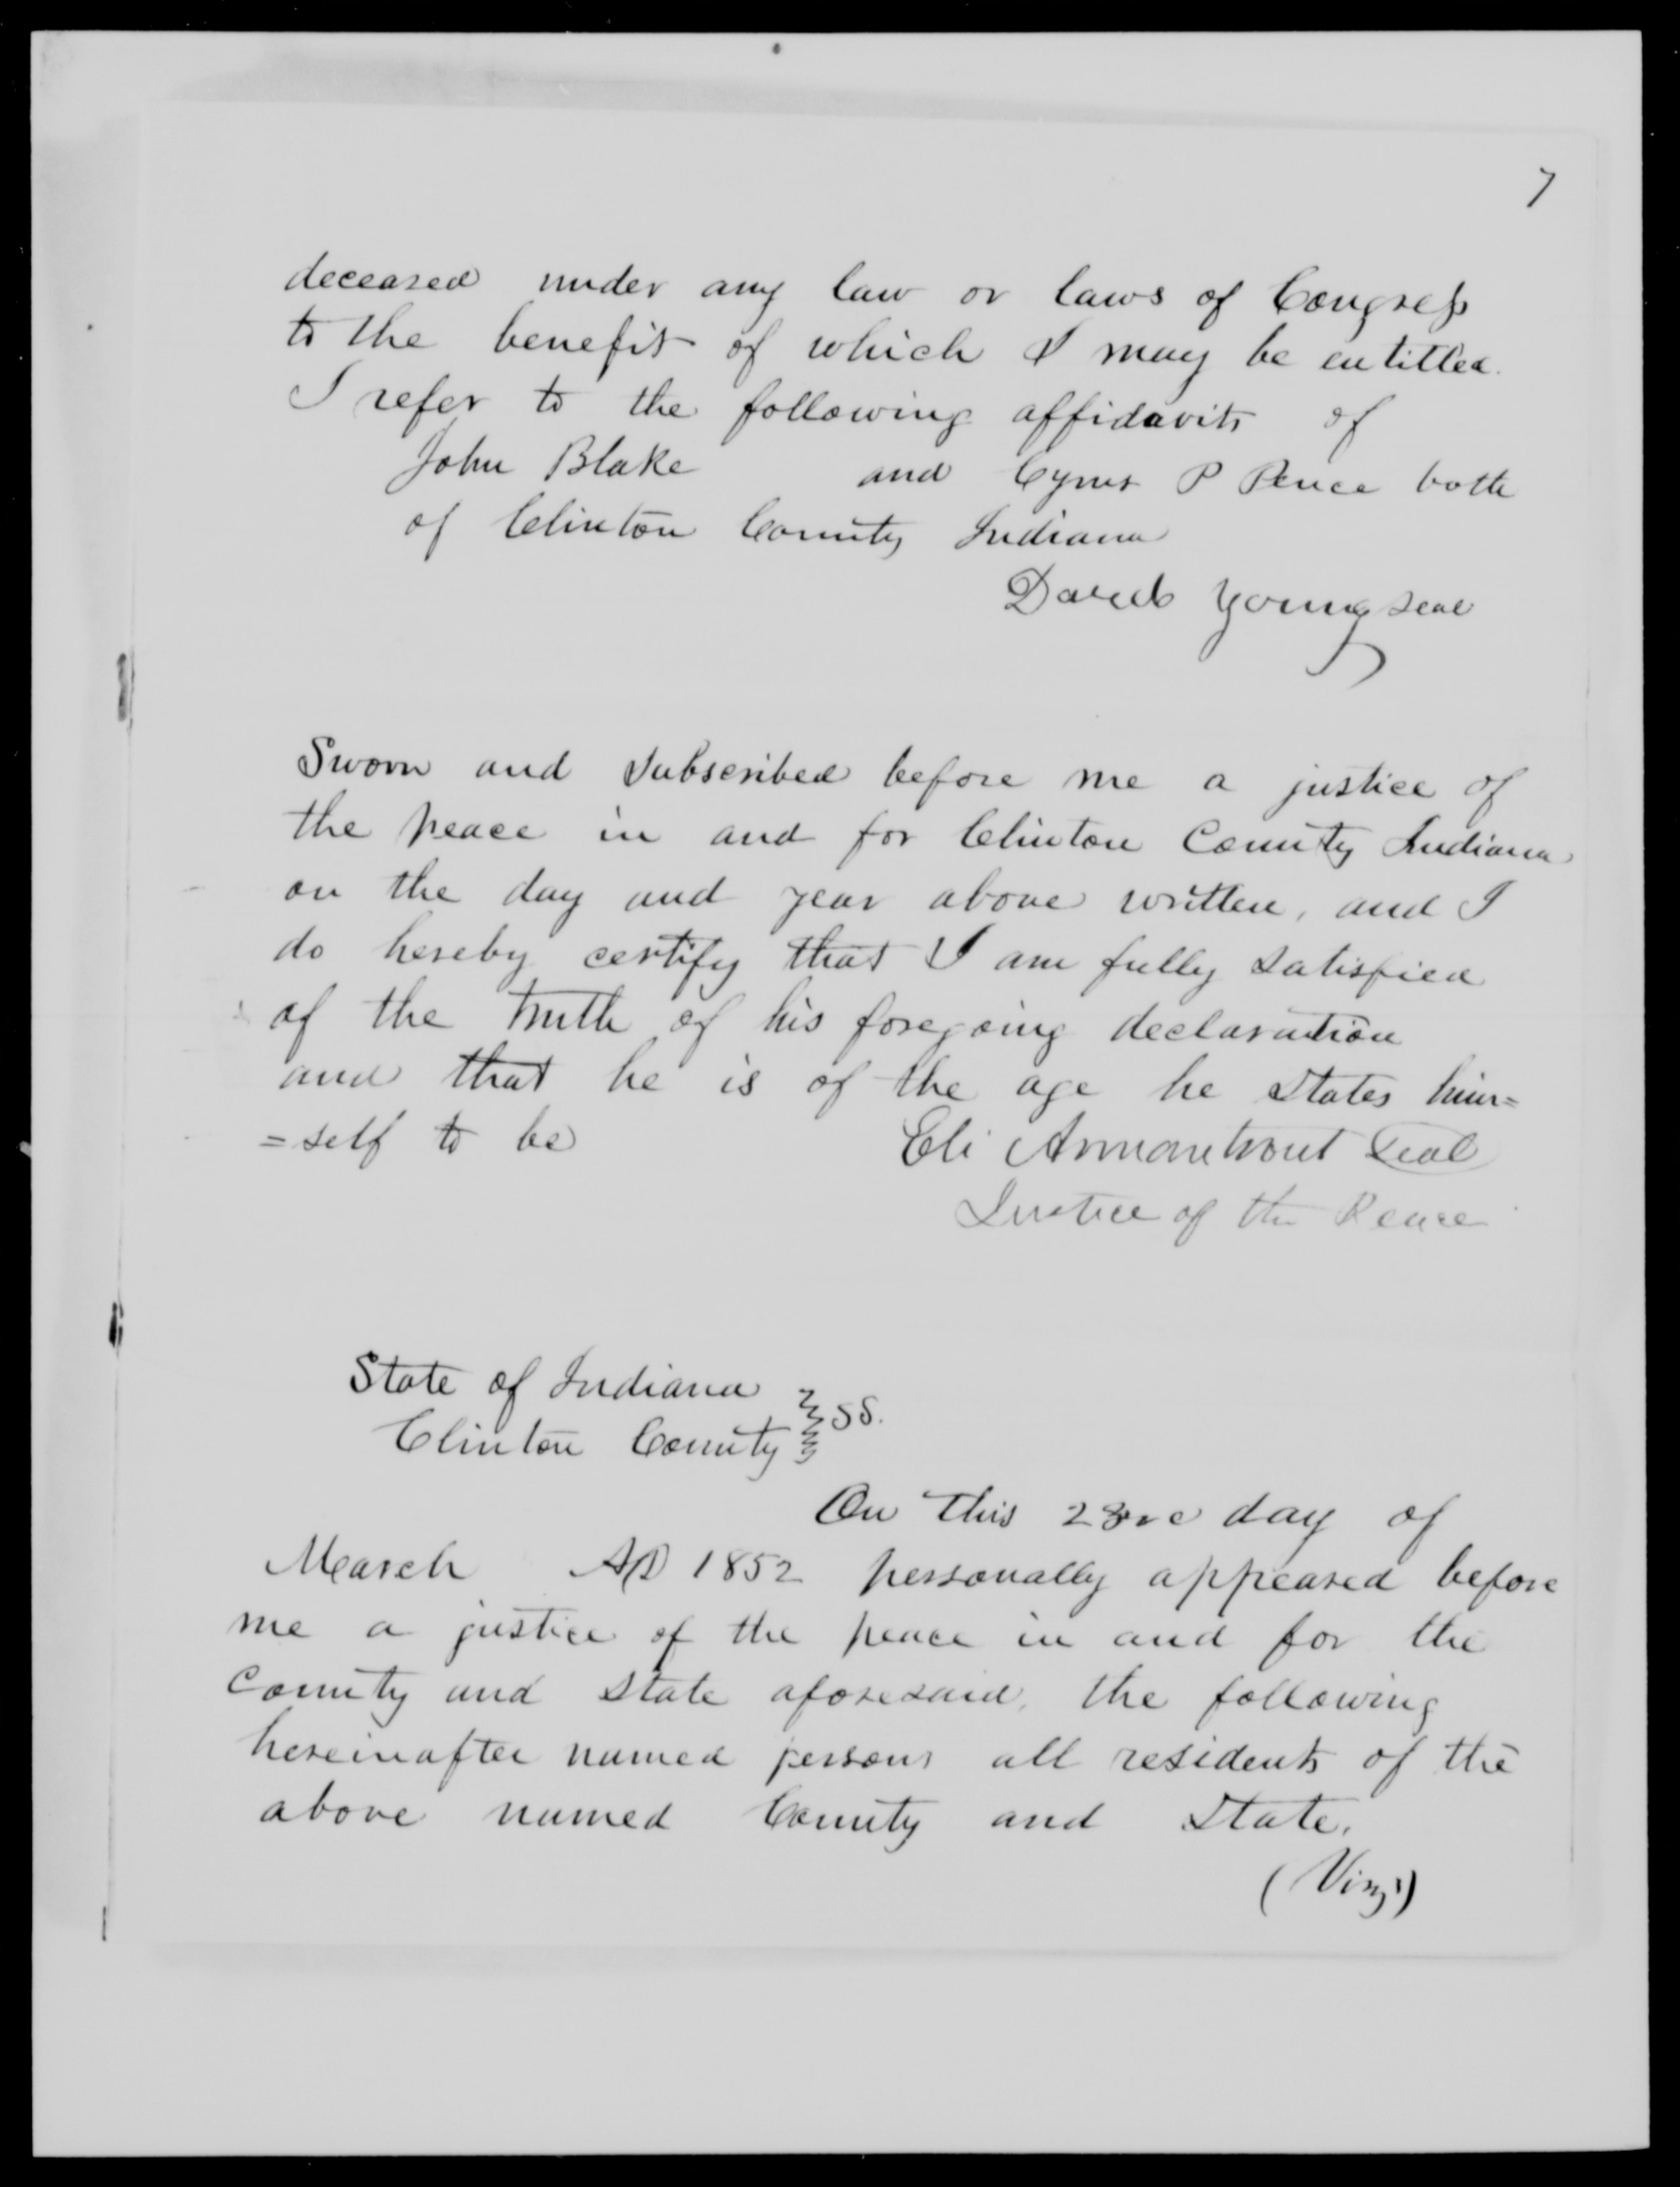7
deceased under any law or laws of Congress
to the benefit of which I may be entitled.
I refer to the following affidavits of
John Blake and Cyrus P Pence both
of Clinton County Indiana
David Young seal

Sworn and subscribed before me a justice of
the peace in and for Clinton County Indiana
on the day and year above written, and I
do hereby certify that I am fully satisfied
of the truth of his foregoing declaration
and that he is of the age he states himself to be
Eli Armantrout (seal)
Justice of the Peace

State of Indiana Clinton County ss
On this 23rd day of
March AD 1852 personally appeared before
me a Justice of the peace in and for the
County and State aforesaid, the following
hereinafter named persons all residents of the
above named County and State,
(Viz)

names: David Young, Eli Armantrout, John Blake, Cyrus P Pence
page: 26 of 123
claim: rejected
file: R. 11,949, Matthias Young, Md.